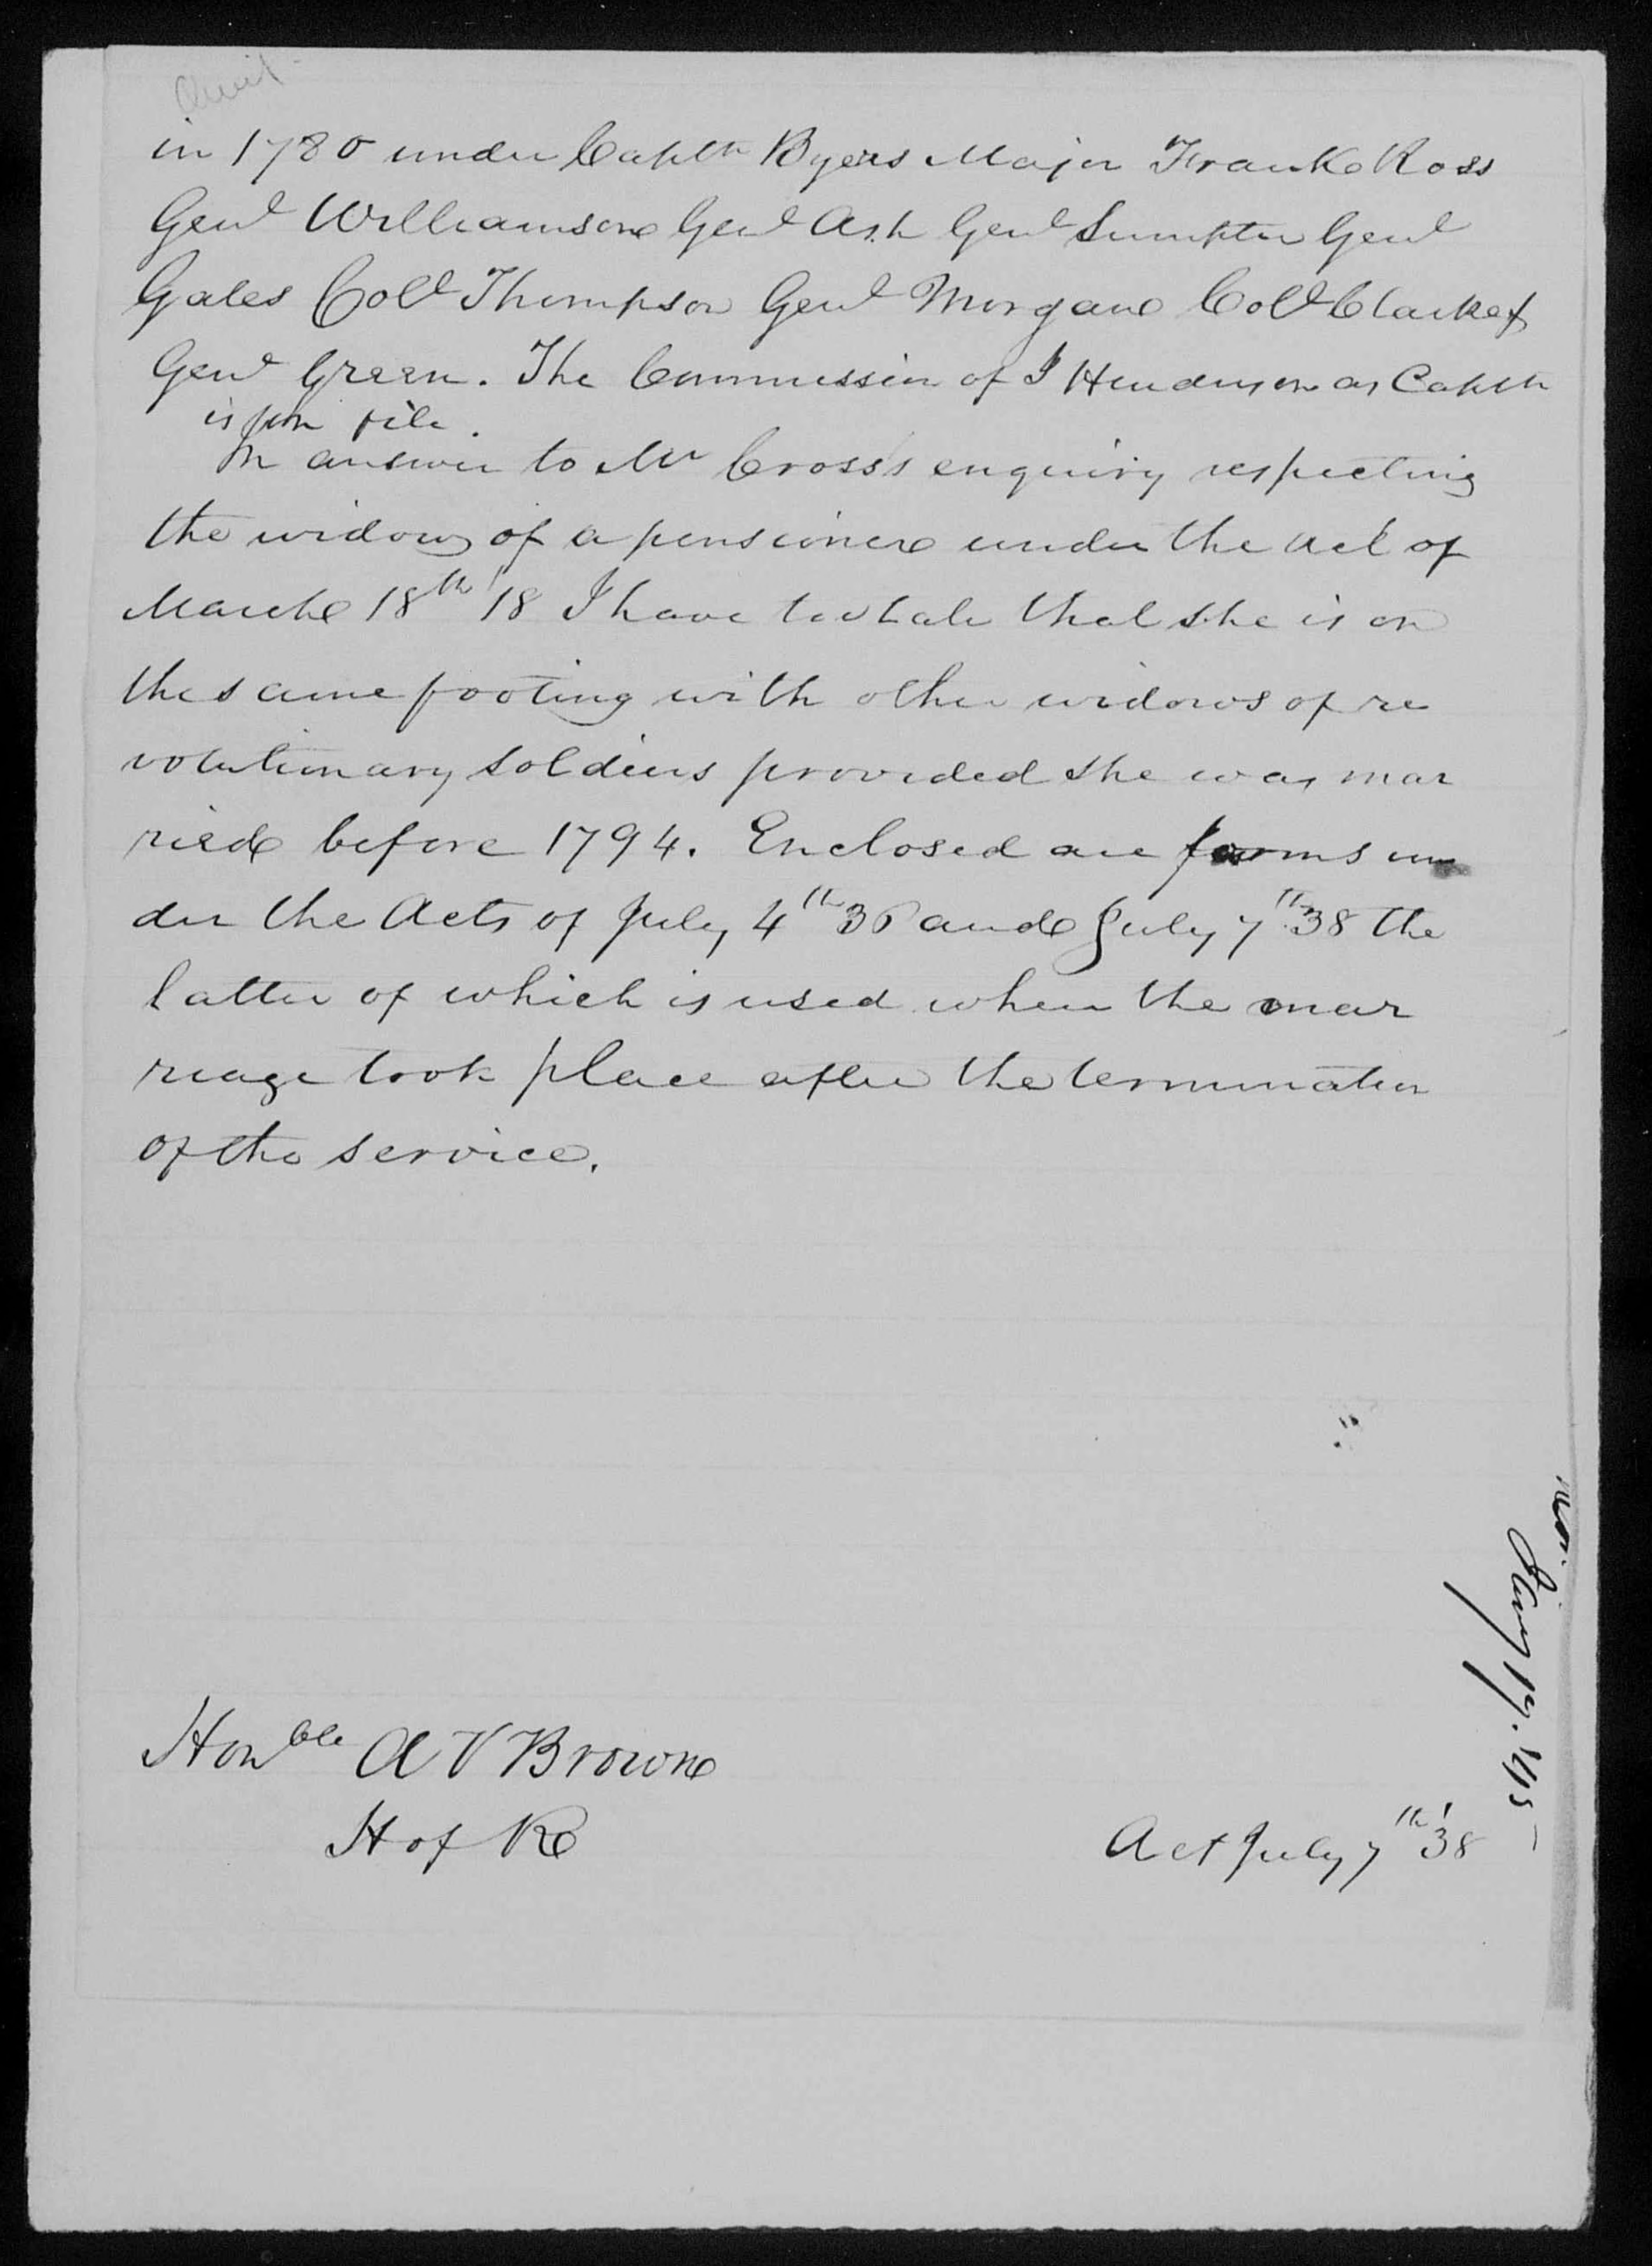in 1780 under Capt Byers Major Frank Ross
Genl Williamson Genl Ash Genl Sumpter Genl
Gales Coll Thompson Genl Morgan Coll Clarke &
Genl Green. The Commission of J Henderson as Capt
is on file.

In answer to Mr Cross's enquiry respecting
the widow of a pensioner under the act of
March 18th 18 I have to state that she is on
the same footing with other widows of re
volutionary soldiers provided she was mar
ried before 1794. Enclosed are forms un
der the act of July 4th 36 and July 7th 38 the
latter of which is used when the mar
riage took place after the termination
of the service

Honble A V Brown
H of R
Act July 7th 38

July 19. '45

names: Byers, Cross, Sumpter, Green, Morgan, Thompson, Williamson, Ash, Clarke, J Henderson, Gates, A V Brown, Frank Ross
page: 30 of 40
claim: rejected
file: R. 4,869, John Henderson, S.C.